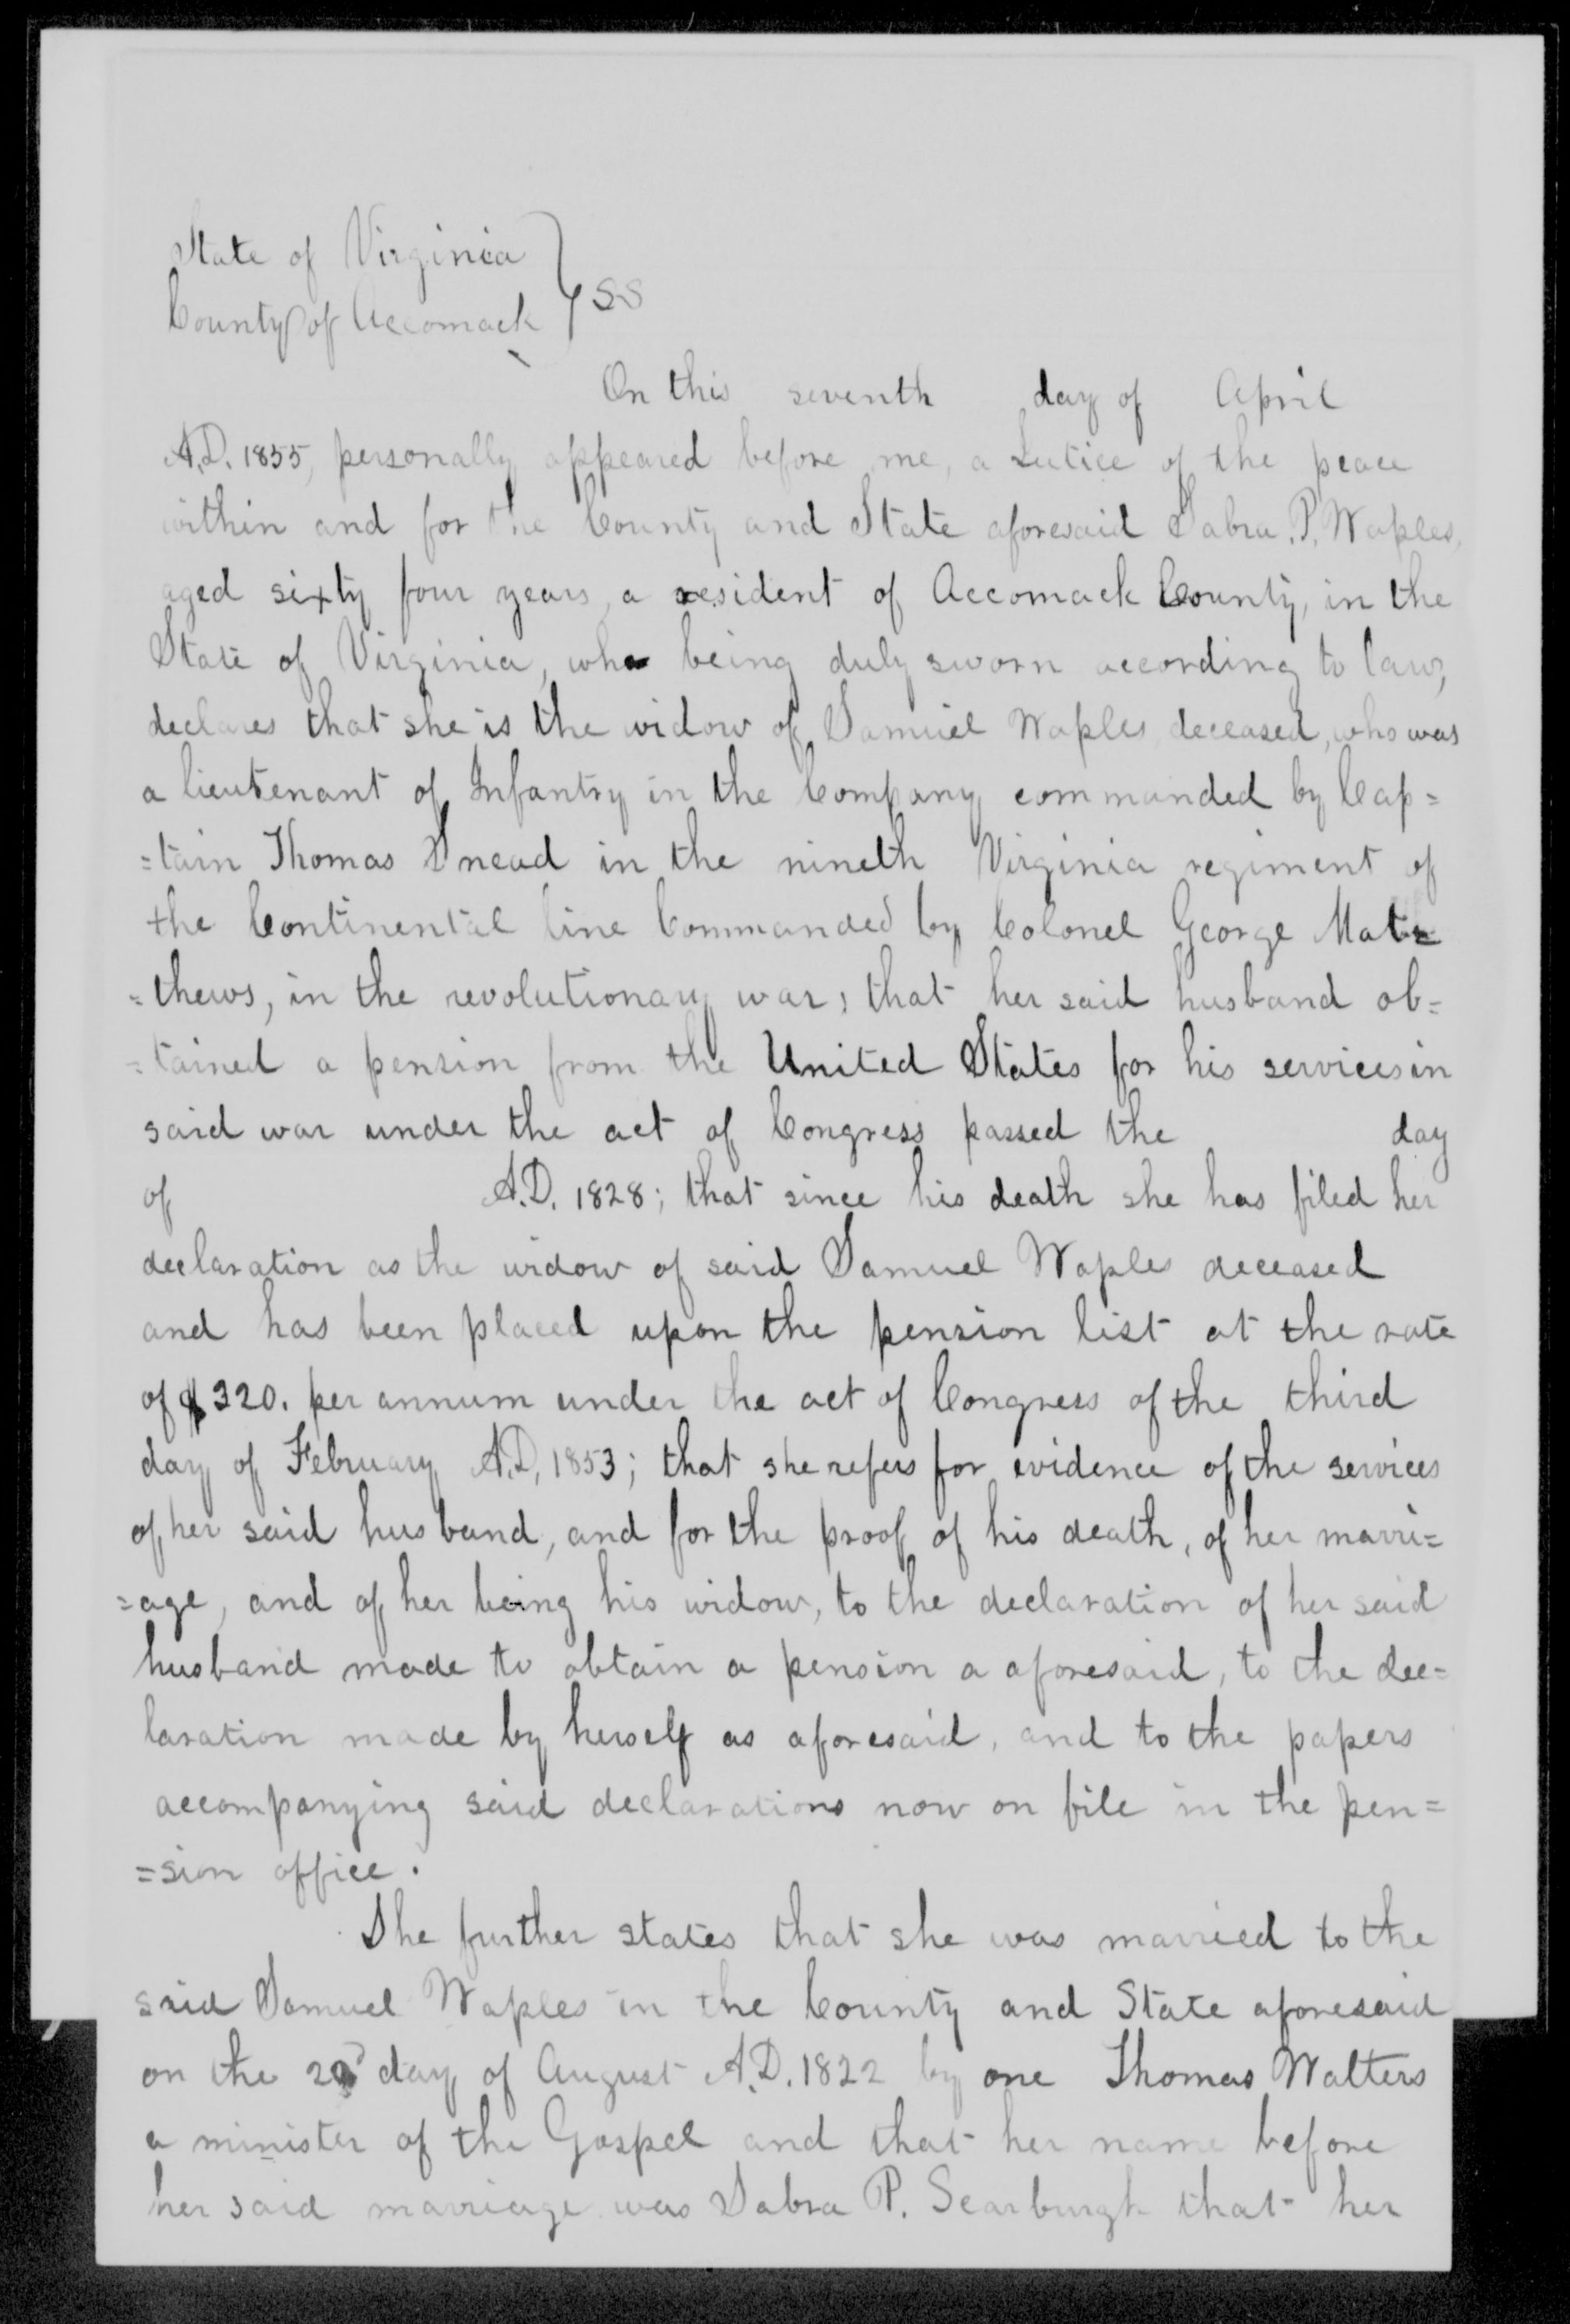State of Virginia County of Accomack } SS

On this seventh day of April A.D. 1855, personally appeared before me a Justice of the peace within and for the County and State aforesaid Sabra P. Waples aged sixty four years, a resident of Accomack County, in the State of Virginia, who being duly sworn according to law, declares that she is the widow of Samuel Waples deceased, who was a lieutenant of Infantry in the Company commanded by Captain Thomas Snead in the nineth Virginia regiment of the Continental line Commanded by Colonel George Matthews, in the revolutionary war; that her said husband obtained a pension from the United States for his services in said war under the act of Congress passed the  of  A.D. 1828; that since his death she has filed her declaration as the widow of said Samuel Waples deceased and has been placed upon the pension list at the rate of $320. per annum under the act of Congress of the third day of February A.D. 1853; that she refers for evidence of the services of her said husband, and for the proof of his death, of her marriage and of her being his widow, to the declaration of her said husband made to obtain a pension as aforesaid, to the declaration made by herself as aforesaid, and to the papers accompanying said declaration now on file in the pension office.
She further states that she was married to the said Samuel Waples in the County and State aforesaid on the 22d day of August A.D. 1822 by one Thomas Walters a minister of the Gospel and that her name before her said marriage was Sabra P. Scarburgh that her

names: Thomas Snead, George Matthews, Samuel Waples, Samuel Waples, Sabra P Waples, Samuel Waples, Thomas Walters, Sabra P Scarburgh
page: 17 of 59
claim: widow's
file: W. 6427, Samuel Waples, Va.